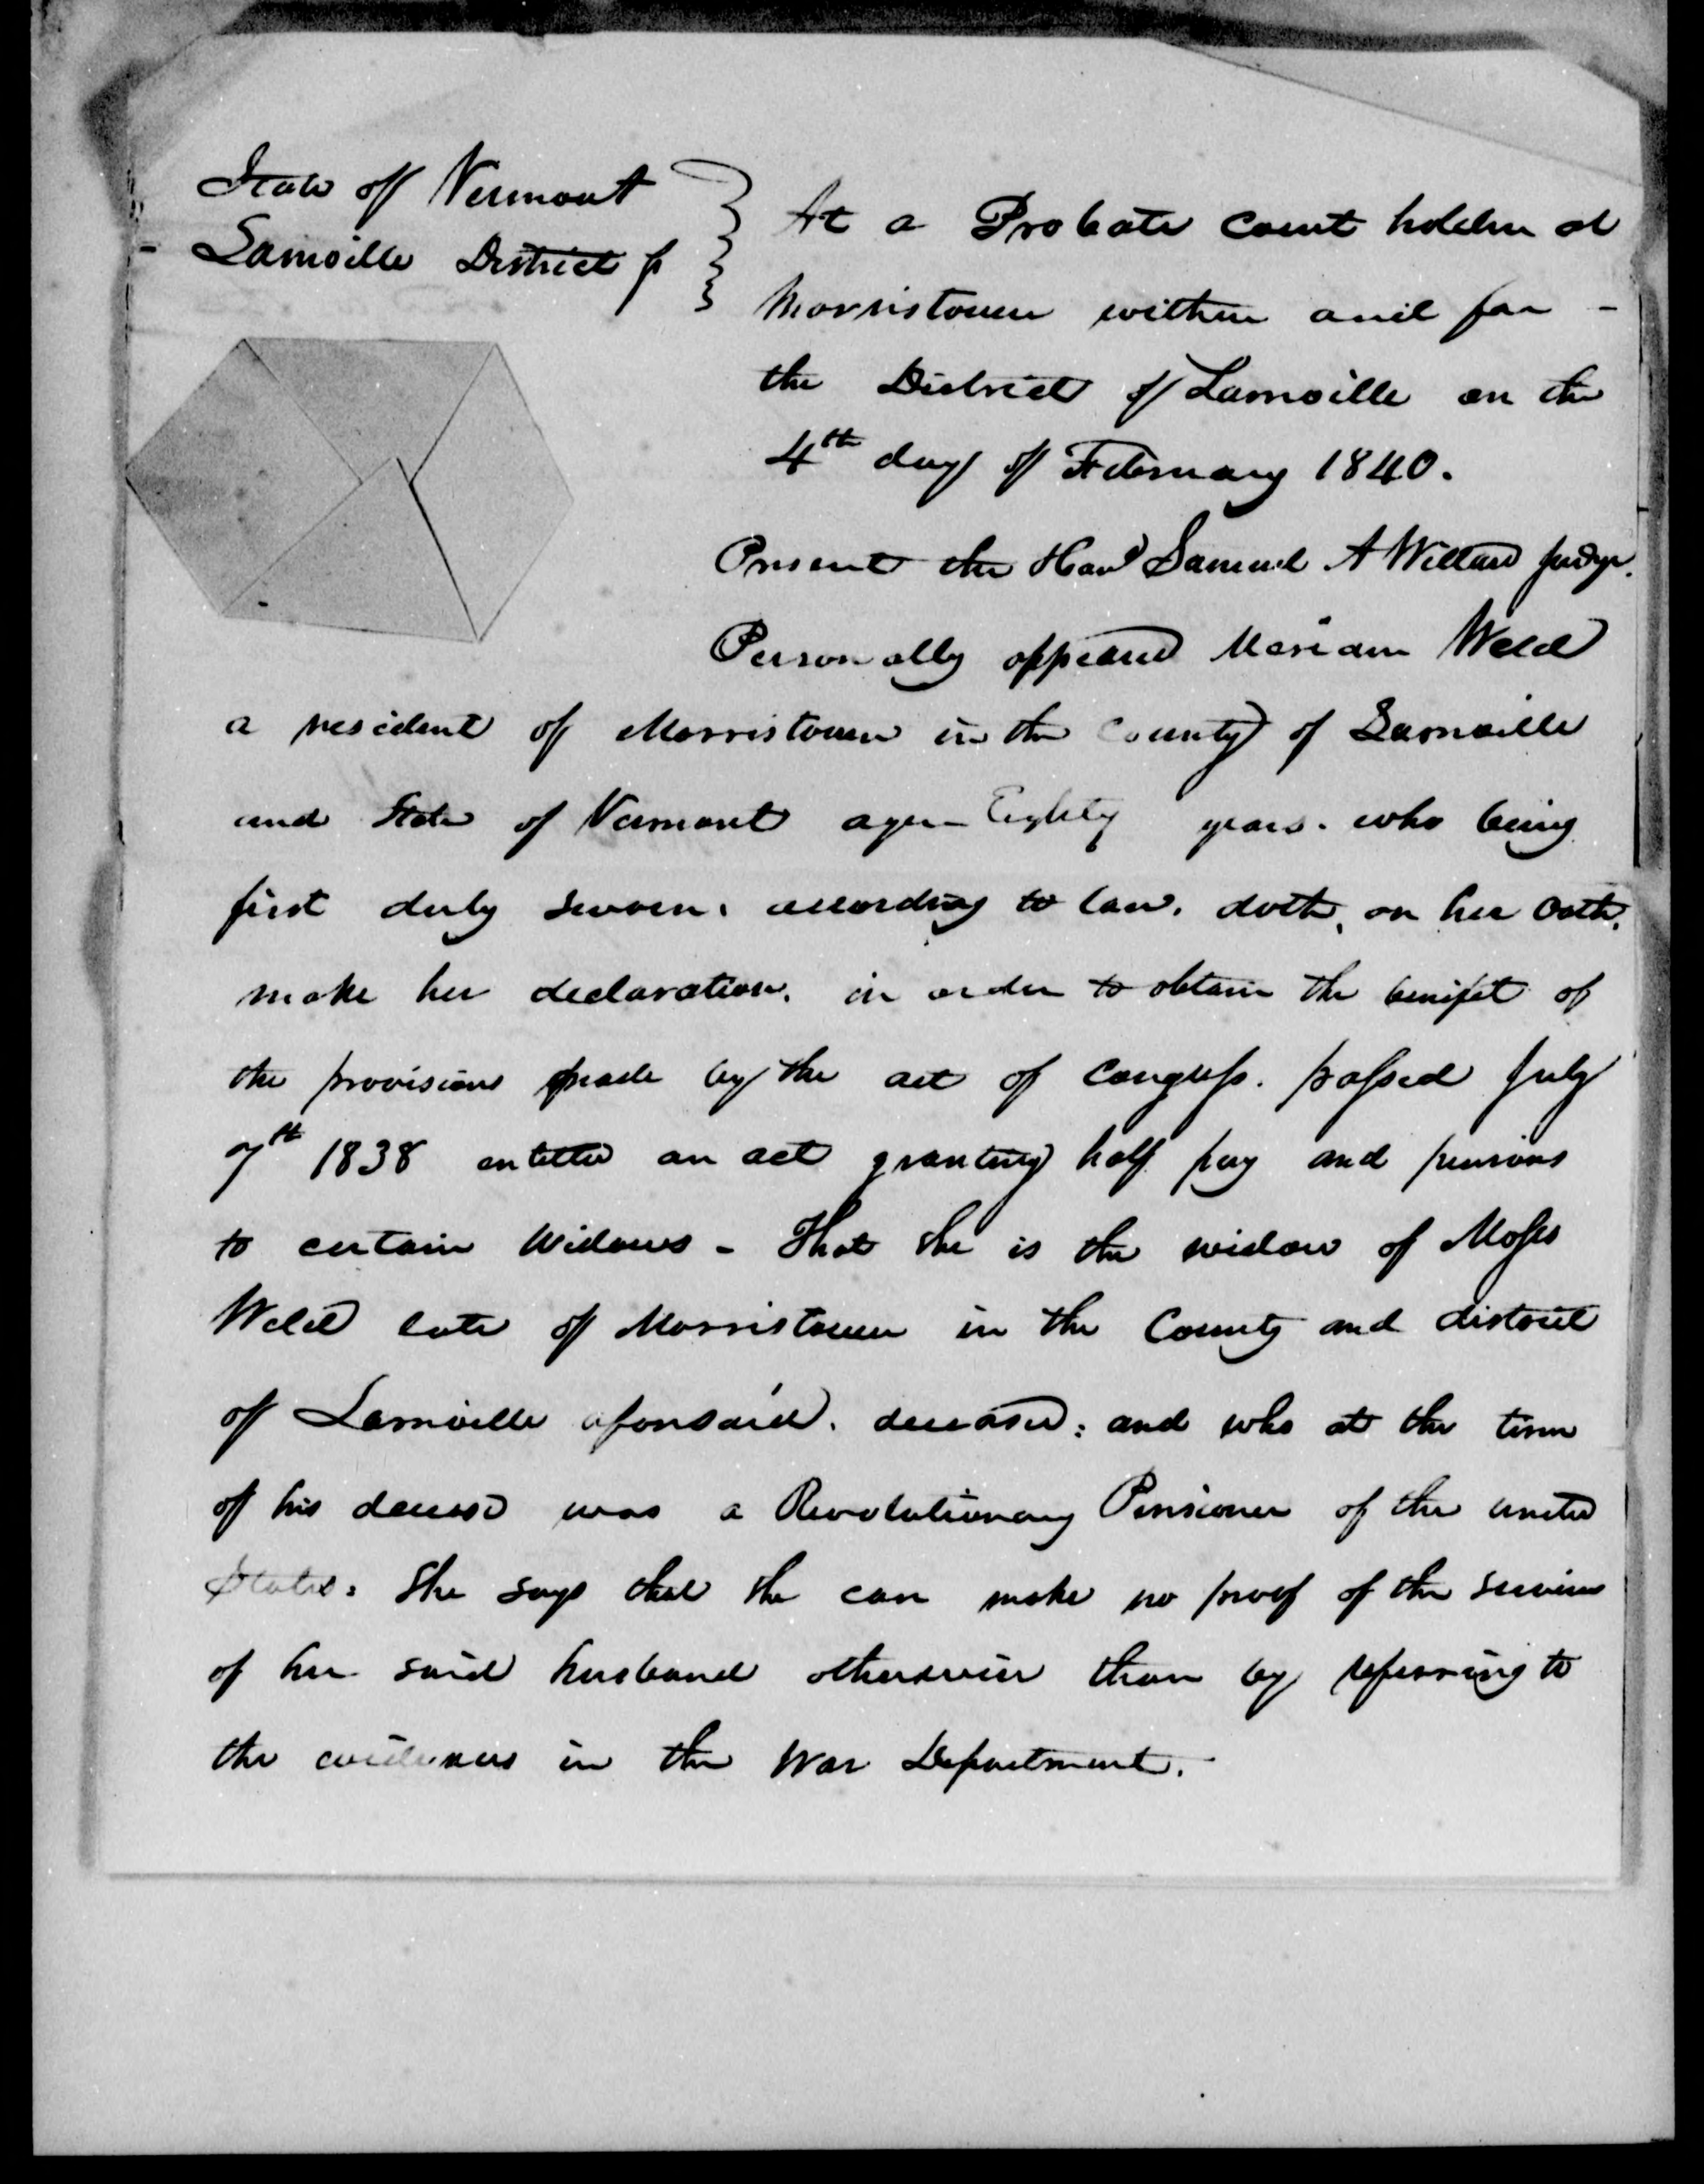State of Vermont
Lamoille District [fs]?
At a Probate Court holden at
Morristown within and for
the District of Lamoille on the
4th day of February 1840.
Present the Hon Samuel A Willard Judge.
Personally appeared Miriam Weld
a resident of Morristown in the County of Lamoille
and State of Vermont aged Eighty years.  who being
first duly sworn, according to law, doth on her oath
make her declaration in order to obtain the benifit of
the provisions [made]? by the act of Congress passed July 7th 1838 entitled an act granting half pay and pensions
to certain widows. That she is the widow of Moses Weld late of Morristown in the County and district
of Lamoille aforesaid, deceased: and who at the time
of his deceased was a Revolutionary Pensioner of the United States
. She says that she can make no proof of the services
of her said husband otherwise than by referring to
the evidences in the War Department.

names: Moses Weld, Meriam Weld, Samuel A Willard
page: 13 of 87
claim: widow's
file: W. 25,966, Moses Weld, Mass.